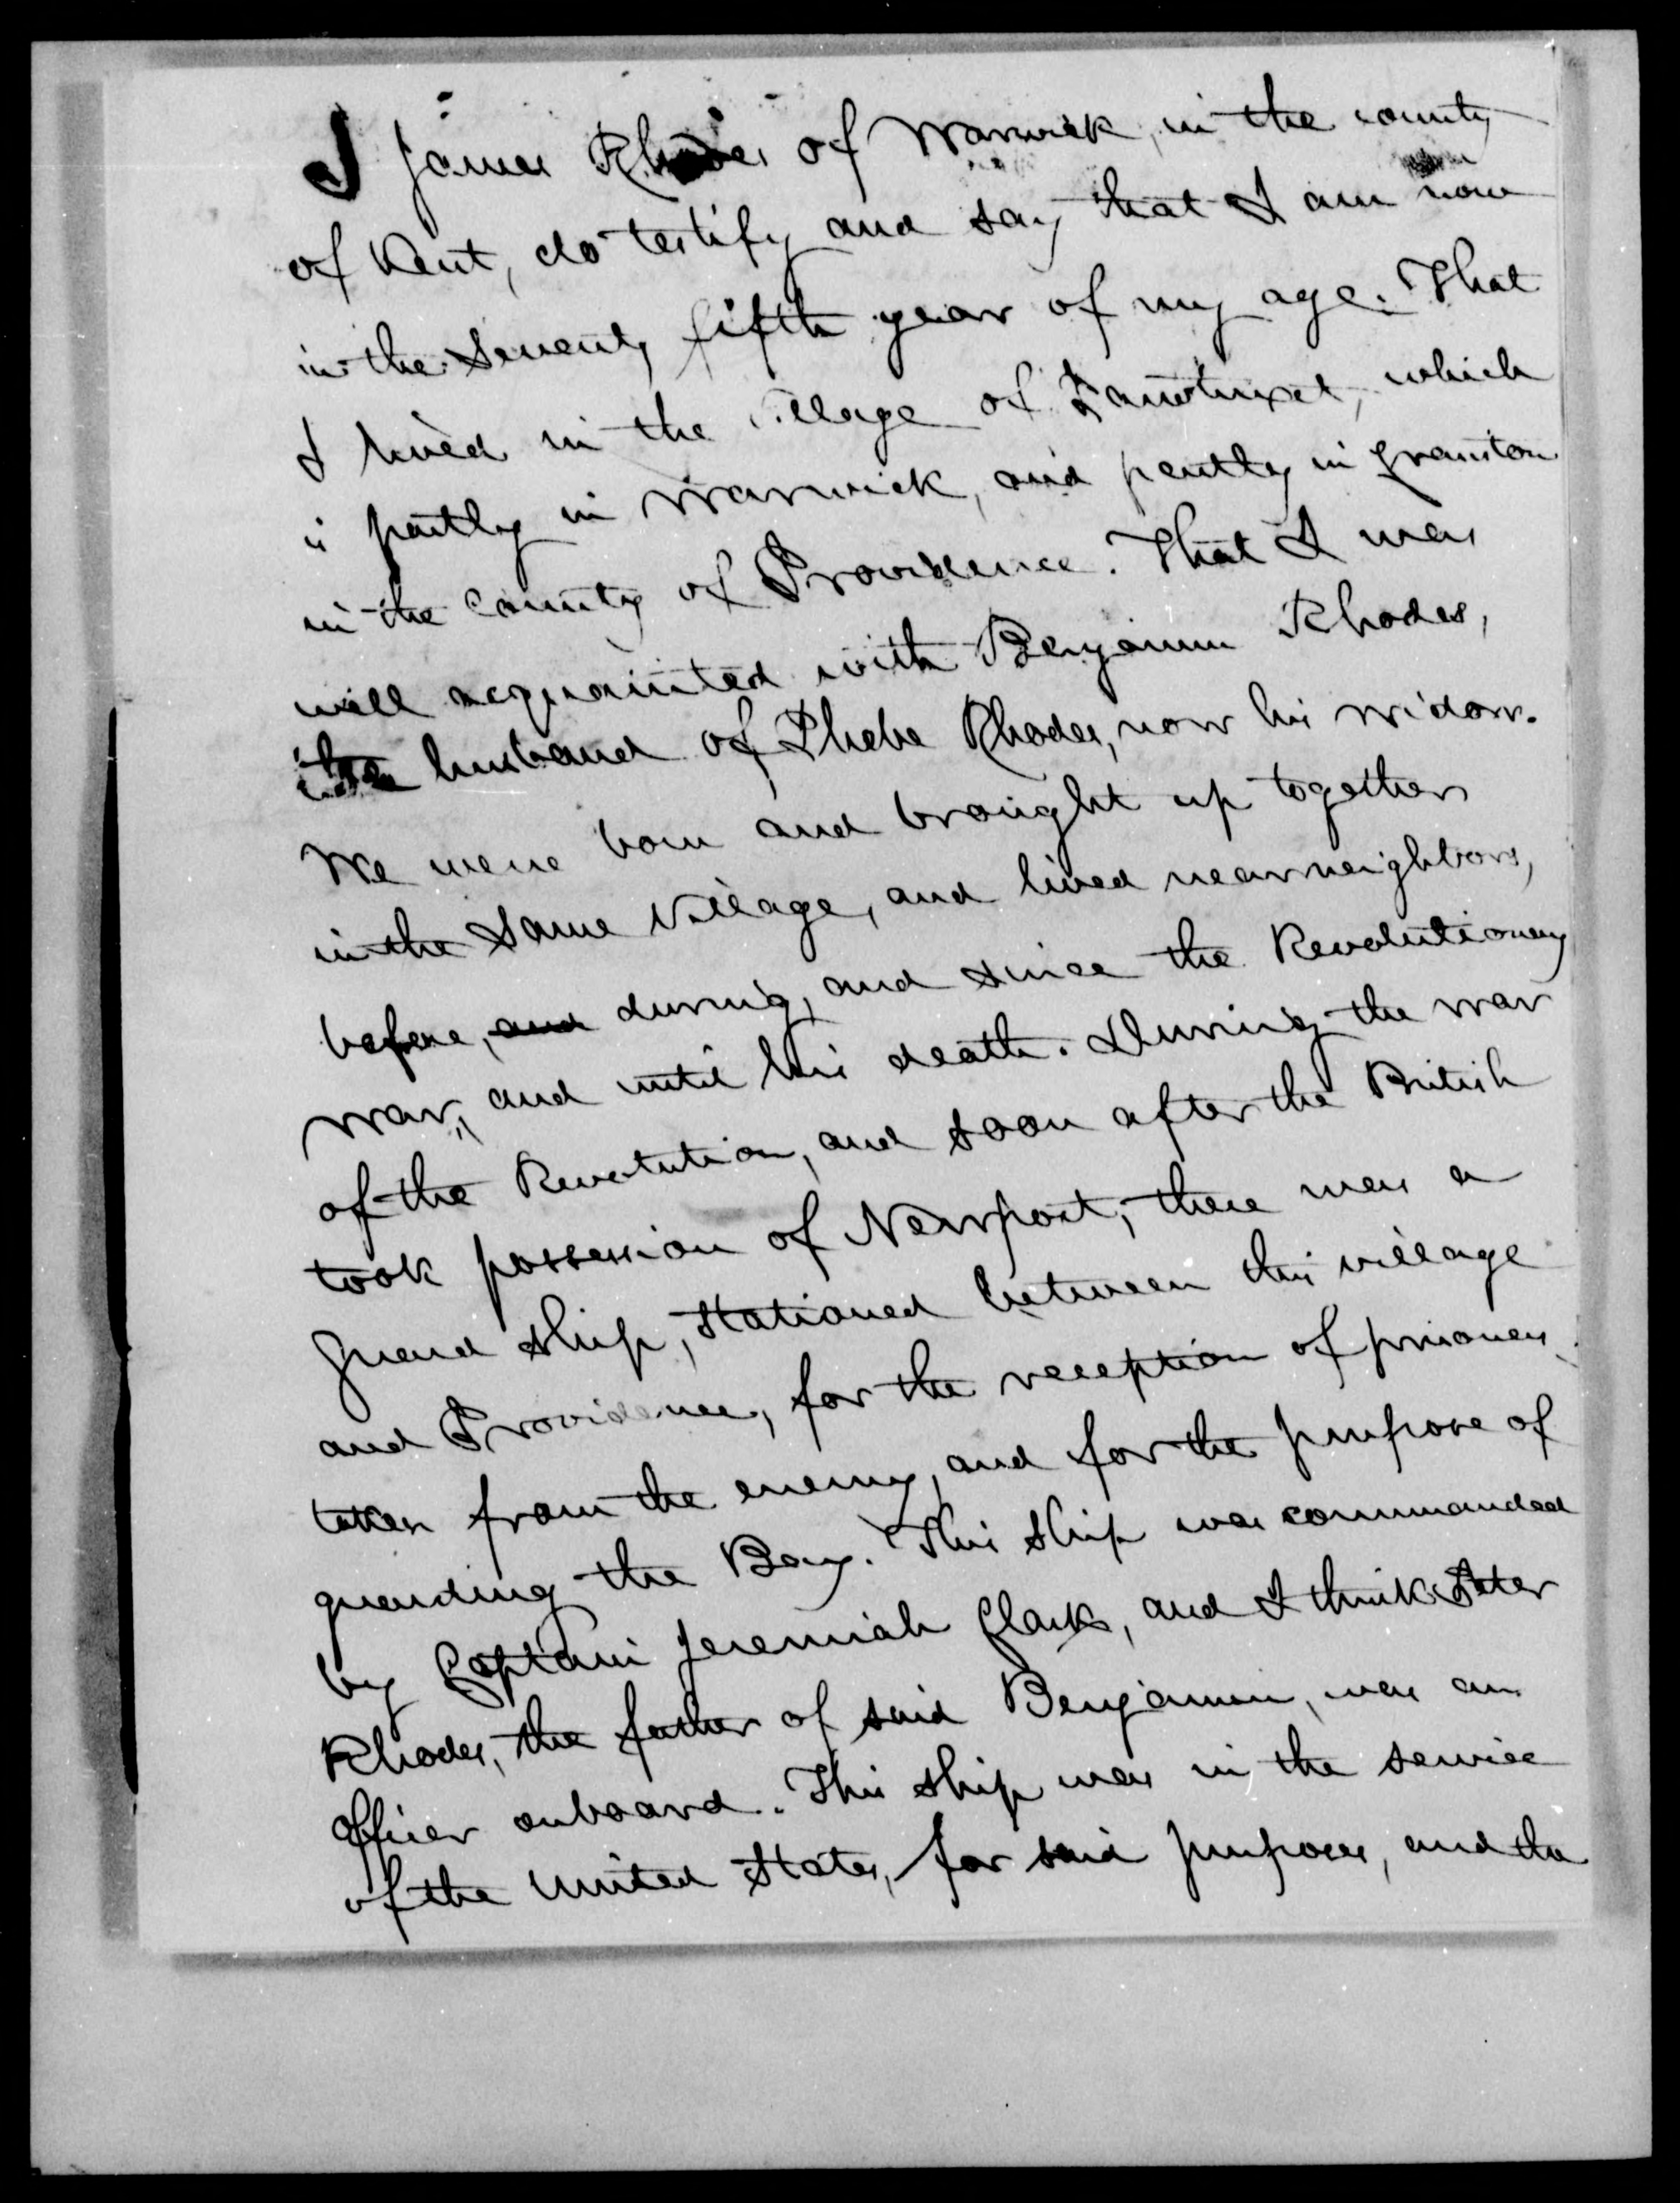I James Rhodes of Warwick in the county of Kent, do testify and sat that I am now in the seventy fifth year of my age. That I lived in the village of Pawtuxet, which is partly in Warwick, and partly in Cranston in the county of Providence. That I was well acquainted with Benjamin Rhodes, the husband of Phebe Rhodes now his widow. We were born and brought up together in the same village, and lived near neighbors before and during and since the Revolutionary War, and until his death. During the war of the Revolution, and soon after the British took possession of Newport, there was a guard ship, stationed between this village and Providence, for the reception of prisoners taken from the enemy, and for the purpose of guarding the Bay. This ship was commanded by Captain Jeremiah Clark, and I think Peter Rhodes, the father of said Benjamin, was an officer onboard. This ship was in the service of the United States, for said purposes, and the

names: James Rhodes; Benjamin [BLANK]; Benjamin [BLANK]; Benjamin Rhodes; Phebe Rhodes; Peter Rhodes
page: 30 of 50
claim: widow's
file: W. 22058, for Benjamin Rhodes, Rhode Island